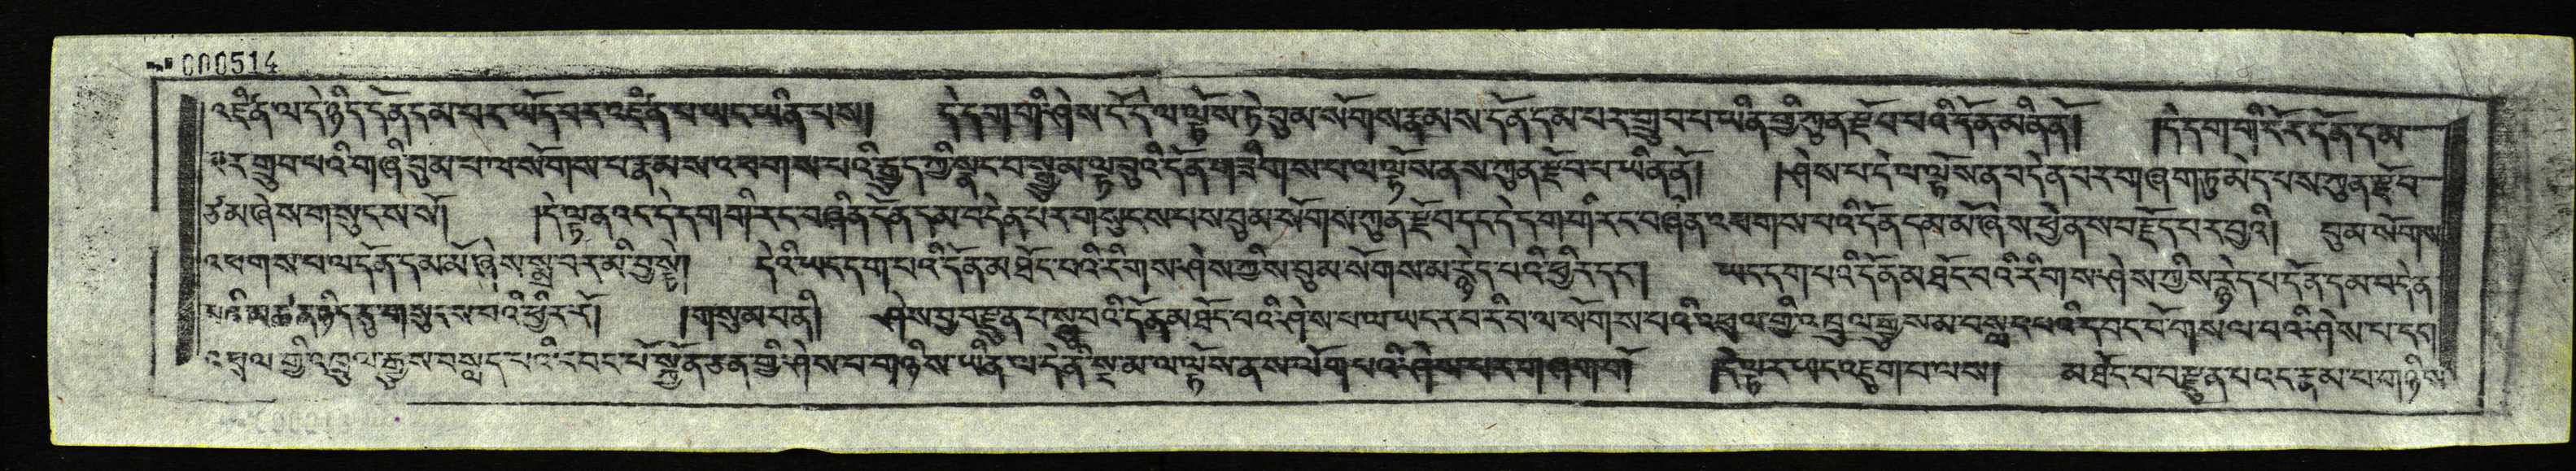འཛིན་ལ་དེ་ཉིད་དོན་དམ་པར་ཡོད་པར་འཛིན་པ་ཡང་ཡིན་པས། དེ་དག་གི་ཤེས་ངོ་དེ་ལ་ལྟོས་ཏེ་བུམ་སོགས་རྣམས་དོན་དམ་པར་གྲུབ་པ་ཡིན་གྱི་ཀུན་རྫོབ་པའི་དོན་མིན་ནོ། །དེ་དག་གི་ངོར་དོན་དམ་
པར་གྲུབ་པའི་གཞི་བུམ་པ་ལ་སོགས་པ་རྣམས་འཕགས་པའི་རྒྱུད་ཀྱི་སྣང་བ་སྒྱུ་མ་ལྟ་བུའི་དོན་གཟིགས་པ་ལ་ལྟོས་ནས་ཀུན་རྫོབ་པ་ཡིན་ནོ། །ཤེས་པ་དེ་ལ་ལྟོས་ན་བདེན་པར་གཞག་ཏུ་མེད་པས་ཀུན་རྫོབ་
ཙམ་ཞེས་གསུངས་སོ། །དེ་ལྟ་ནའང་དེ་དག་གི་རང་བཞིན་དོན་དམ་བདེན་པར་གསུངས་པས་བུམ་སོགས་ཀུན་རྫོབ་དང་དེ་དག་གི་རང་བཞིན་འཕགས་པའི་དོན་དམ་མོ་ཞེས་ཕྱེ་ནས་བརྗོད་པར་བྱའི། བུམ་སོགས་
འཕགས་པ་ལ་དོན་དམ་མོ་ཞེས་སྨྲ་བར་མི་བྱ་སྟེ། དེའི་ཡང་དག་པའི་དོན་མཐོང་བའི་རིགས་ཤེས་ཀྱིས་བུམ་སོགས་མ་རྙེད་པའི་ཕྱིར་དང་། ཡང་དག་པའི་དོན་མཐོང་བའི་རིགས་ཤེས་ཀྱིས་རྙེད་པ་དོན་དམ་བདེན་
པའི་མཚན་ཉིད་དུ་གསུངས་པའི་ཕྱིར་རོ། །གསུམ་པ་ནི། ཤེས་བྱ་བརྫུན་པ་སླུ་བའི་དོན་མཐོང་བའི་ཤེས་པ་ལ་ཡང་རབ་རིབ་ལ་སོགས་པའི་འཕུལ་གྱི་འཁྲུལ་རྒྱུས་མ་བསླད་པའི་དབང་པོ་གསལ་པའི་ཤེས་པ་དང་།
འཕྲལ་གྱི་འཁྲུལ་རྒྱུས་བསླད་པའི་དབང་པོ་སྐྱོན་ཅན་གྱི་ཤེས་པ་གཉིས་ཡིན་ལ་དེ་ནི་སྔ་མ་ལ་ལྟོས་ནས་ལོག་པའི་ཤེས་པར་གཞག་གོ །དེ་ལྟར་ཡང་འཇུག་པ་ལས། མཐོང་བ་བརྫུན་པའང་རྣམ་པ་གཉིས་